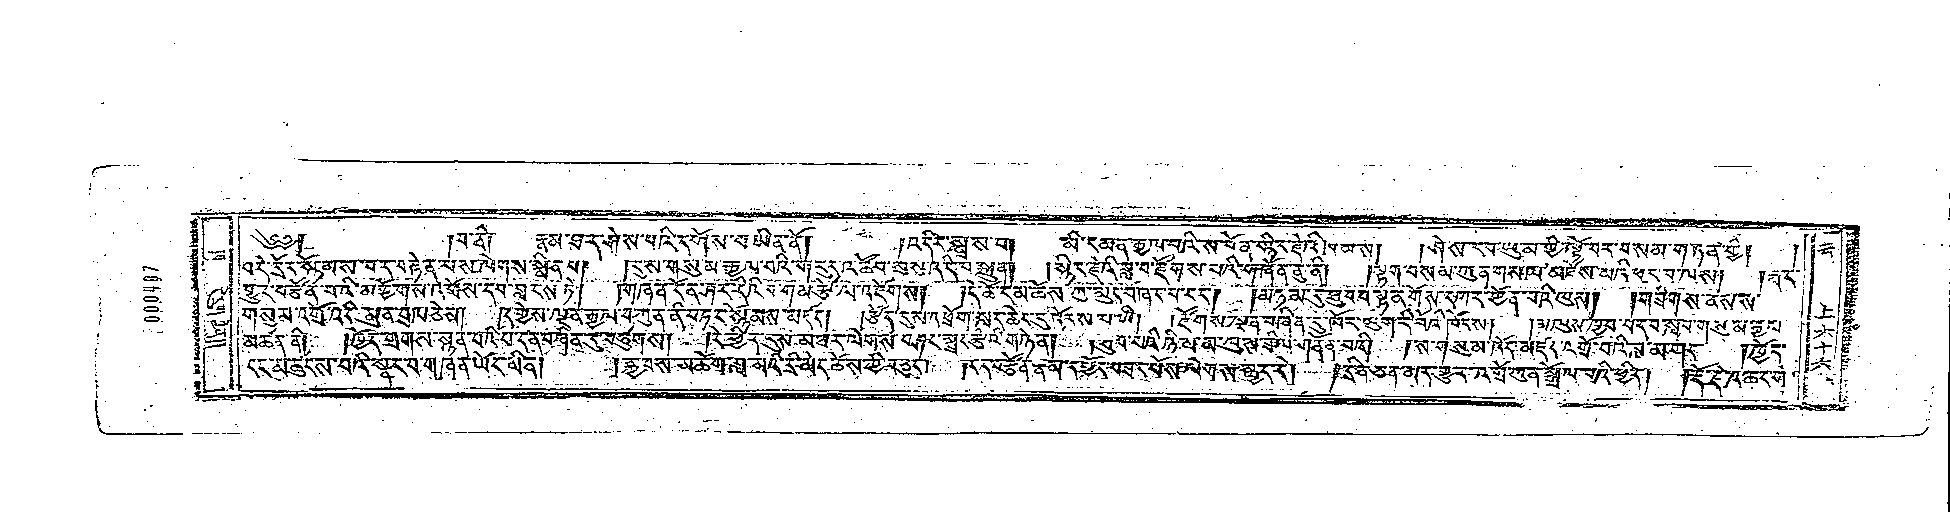༄༅། །བ་ནི། རྣམ་ཐར་ཤེས་པའི་དགོས་པ་ཡིན་ནོ། །འདིར་སྨྲས་པ། མི་དམན་རྒྱལ་བའི་ས་བོན་སྙིང་རྗེའི་ཁམས། །ཤེས་རབ་ཡུམ་གྱི་ལྟོ་བར་བསམ་གཏན་གྱི། །
བདེ་དྲོང་སྙོམས་བར་བརྟེན་པས་ལེགས་སྨིན་པ། །དུས་གསུམ་རྒྱལ་བའི་གདུང་འཚོབ་སྲས་འདི་བསྐྲུན། །སྙིང་རྗེའི་ཟླ་བ་རྫོགས་པའི་གཞོན་ནུ་ནི། །ལྷག་བསམ་ཀུན་གསལ་མཛེས་མའི་ཕང་བ་ལས། །རྨད་
བྱུང་བརྩོན་པའི་མགྱོགས་འགྲོས་རབ་བླངས་ཏེ། །གཞན་དོན་ཤར་རིའི་བ་གམ་རྩེ་ལ་འཛེགས། །དེ་ཚོ་དམ་ཆོས་ཀུ་མུད་བཞད་པ་དང་། །མཉམ་དུ་ཐུབ་བསྟན་གོས་དཀར་བྱོན་པའི་ལུས། །གཟིགས་ནས་ས་
གསུམ་འགྲོ་འདི་མུན་བྲལ་ཅེས། །དགྱེས་ལྡན་རྒྱལ་བ་ཀུན་ནི་བཏང་སྙོམས་མཛད། །རྩོད་དུས་འཕྲོག་སླད་ཆེད་དུ་འོངས་པ་ཡི། །རྫོགས་ལྡན་བཞིན་དུ་ཁོར་ཡུག་རི་བོའི་ཁོངས། །མ་ལུས་ཁྱབ་པར་བསླབ་གསུམ་རྒྱལ་
མཚན་ནི། །ཁྱོད་གྲགས་སྙན་པའི་བ་དན་བཞིན་དུ་བཙུགས། །དེ་ཕྱིར་དུས་མཐར་ལེགས་བཤང་སྦྲང་རྩིའི་གཉེན། །ཐུབ་པའི་ཉི་མ་མ་ལུས་ཟིལ་གནོན་བའི། །ས་གསུམ་འོད་མཛད་འགྲོ་བའི་བླ་མ་གང་།ཁྱོད་
དང་མཚུངས་བའི་སྣང་བ་གཞན་ཡོང་མིན། །སྐྱབས་མཆོག་བླ་མའི་དྲི་མེད་ཆོས་ཀྱི་བཅུད། །དད་བརྩོན་རྣམ་དཔྱོད་བཟང་པོས་ལེགས་སྤྱད་དེ། །དྲིན་ཅན་མར་གྱུར་འགྲོ་ཀུན་སྒྲོལ་བའི་ཕྱིར། །རྡོ་རྗེ་འཆང་གི་